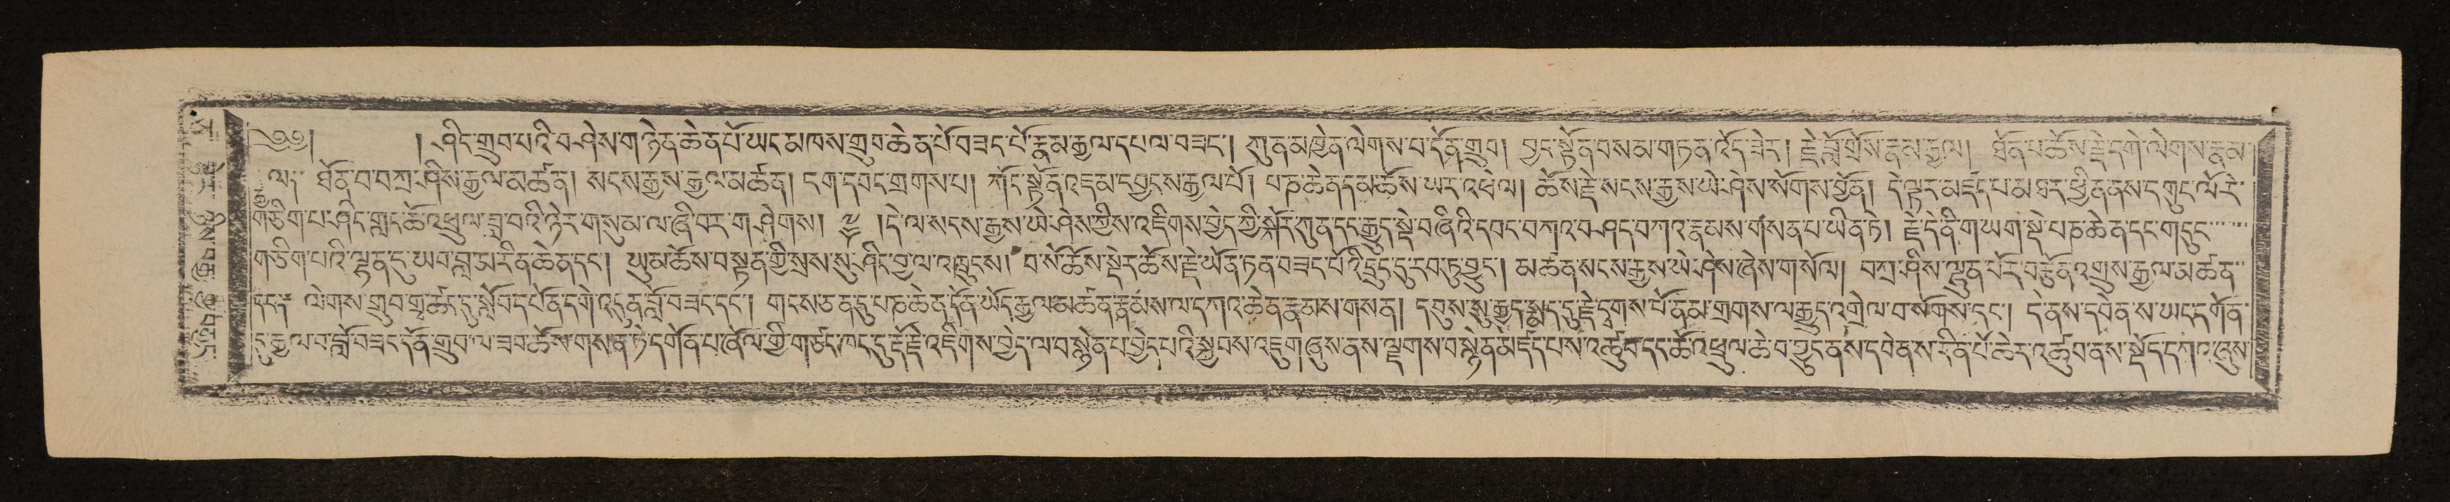༄༅། །ཤིང་གྲུབ་པའི་བཤེས་གཉེན་ཆེན་པོ་ཡང་མཁས་གྲུབ་ཆེན་པོ་བཟང་པོ་རྣམ་རྒྱལ་དཔལ་བཟང་། ཀུན་མཁྱེན་ལེགས་པ་དོན་གྲུབ། བྱང་སྟོན་བསམ་གཏན་འོད་ཟེར། རྗེ་བློ་གྲོས་རྣམ་རྒྱལ། ཐོན་པ་ཆོས་རྗེ་དགེ་ལེགས་རྣམ་
རྒྱལ༑ ཐོན་པ་བཀྲ་ཤིས་རྒྱལ་མཚན། སངས་རྒྱས་རྒྱལ་མཚན། ངག་དབང་གྲགས་པ། ཀོང་སྟོན་འཇམ་དབྱངས་རྒྱལ་པོ། པཎ་ཆེན་དམ་ཆོས་ཡར་འཕེལ། ཆོས་རྗེ་སངས་རྒྱས་ཡེ་ཤེས་སོགས་བྱོན། དེ་ལྟར་མཛད་པ་མཐར་ཕྱིན་ནས་དགུང་ལོ་རེ་
གཅིག་བ་ཤིང་གླང་ཆོ་འཕྲུལ་ཟླ་བའི་ཉེར་གསུམ་ལ་ཞི་བར་གཤེགས། ༈ །དེ་ལ་སངས་རྒྱས་ཡེ་ཤེས་ཀྱིས་འཇིགས་བྱེད་ཀྱི་སྐོར་ཀུན་དང་རྒྱུད་སྡེ་བཞིའི་དབང་བཀའ་བཤད་བཀའ་རྣམས་གསན་པ་ཡིན་ཏེ། རྗེ་དེ་ནི་གཡག་སྡེ་པཎ་ཆེན་དང་གདུང་
གཅིག་པའི་ལྷན་དུ་ཡབ་བླ་མ་རིན་ཆེན་དང་། ཡུམ་ཆོས་བསྟན་གྱི་སྲས་སུ་ཤིང་བྱ་ལ་འཁྲུངས། བསོ་ཆོས་སྡེར་ཆོས་རྗེ་ཡོན་ཏན་བཟང་པོའི་དྲུང་དུ་རབ་ཏུ་བྱུང་། མཚན་སངས་རྒྱས་ཡེ་ཤེས་ཞེས་གསོལ། བཀྲ་ཤིས་ལྷུན་པོར་བརྩོན་འགྲུས་རྒྱལ་མཚན་
དང༑ ལེགས་གྲུབ་གྲྭ་ཚང་དུ་སློབ་དཔོན་དགེ་འདུན་བློ་བཟང་དང་། གངས་ཅན་དུ་པཎ་ཆེན་དོན་ཡོད་རྒྱལ་མཚན་རྣམས་ལ་དཀའ་ཆེན་རྣམས་གསན། དབུས་སུ་རྒྱུད་སྨད་དུ་རྗེ་དྭགས་པོ་ནམ་གྲགས་ལ་རྒྱུད་འགྲེལ་པ་སོགས་དང་། དེ་ནས་དབེན་ས་ཡང་དགོན་
དུ་རྒྱལ་བ་བློ་བཟང་དོན་གྲུབ་ལ་ཟབ་ཆོས་གསན་ཏེ་དགོན་པ་ཞོལ་གྱི་གཙང་ཁང་དུ་རྡོ་རྗེ་འཇིགས་བྱེད་ལ་བསྙེན་པ་བྱེད་པའི་སྐྱབས་འཇུག་ཞུས་ནས་ལྗགས་བསྙེན་མཛད་པས་འཚུབ་དང་ཆོ་འཕྲུལ་ཆེ་བ་བྱུང་ནས་དབེན་ས་རིན་པོ་ཆེར་འཚུབ་ནས་སྡོད་དཀའ་ཞུས་